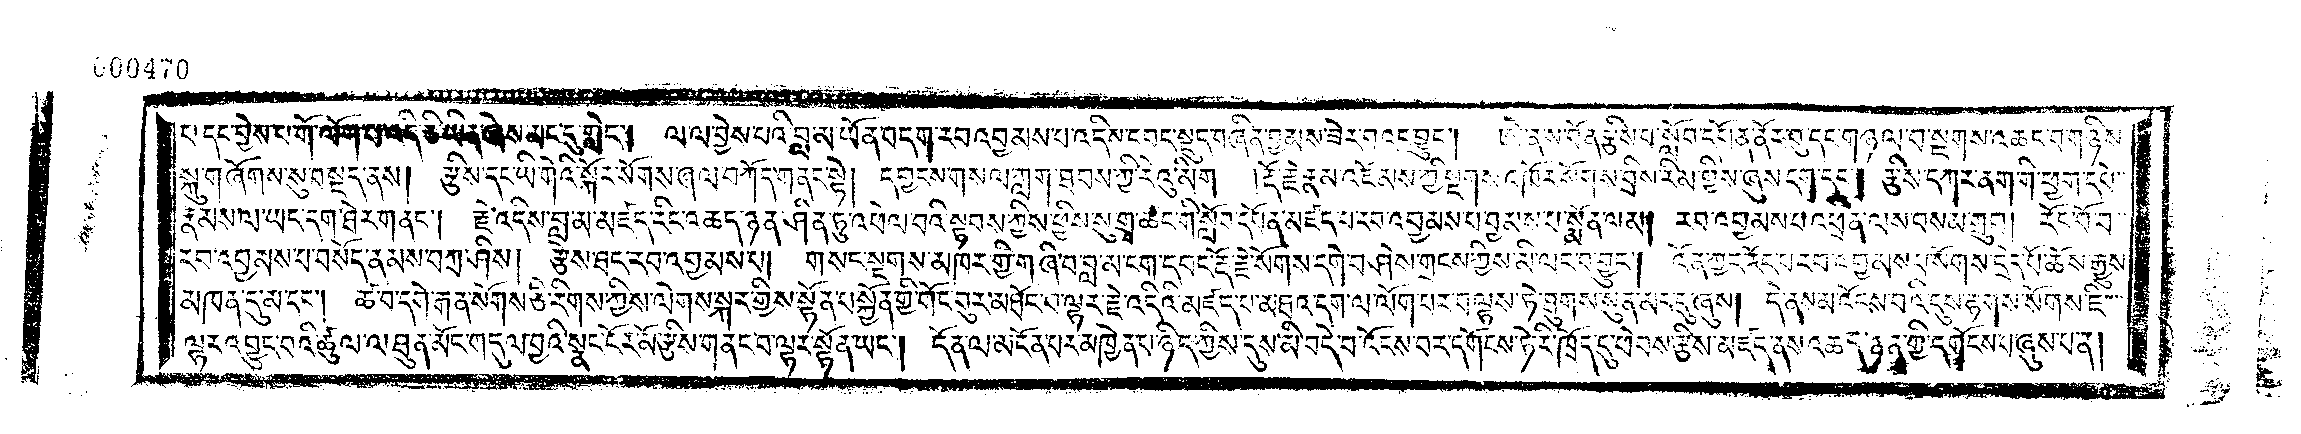པ་དང་བྱེས་པ་གོ་ལོག་པ་འདི་ཅི་ཡིན་ཞེས་མང་དུ་གླེང་། ལ་ལ་བྱེས་པའི་བླ་མ་ཡོན་བདག་རབ་འབྱམས་པ་འདིས་དབང་སྡུད་བཞིན་བྱམས་ཟེར་བའང་བྱུང་། ཨེ་ནས་བོན་རྩིས་པ་སློབ་དཔོན་ནོར་བུ་དང་གཉལ་པ་སྔགས་འཆང་བ་གཉིས་
སྐུ་གཞོགས་སུ་བསྡད་ནས། རྩིས་དང་ཡི་གེའི་སྐོར་སོགས་ཞལ་བཀོད་གནང་སྟེ། དབྱངས་གསལ་ཀླག་ཐབས་ཀྱི་རེའུ་མིག །རྡོ་རྗེ་རྣམ་འཇོམས་ཀྱི་སྔགས་འཁོར་སོགས་བྲིས་རིམ་གྱིས་ཞུས་དག་དང་། རྩིས་དཀར་ནག་གི་ཕྱག་དཔེ་
རྣམས་ལ་ཡང་དག་ཐེར་གནང་། རྗེ་འདིས་བླ་མ་མཛད་རིང་འཆད་ཉན་ཤིན་ཏུ་འཕེལ་བའི་སྟབས་ཀྱིས་ཕྱིས་སུ་གྲྭ་ཚང་གི་སློབ་དཔོན་མཛད་པ་རབ་འབྱམས་པ་བྱམས་པ་སྨོན་ལམ། རབ་འབྱམས་བ་འཕྲིན་ལས་བསམ་གྲུབ། རོང་པོ་བ་
རབ་འབྱམས་པ་བསོད་ནམས་བཀྲ་ཤིས། རྩེས་ཐང་རབ་འབྱམས་པ། གསང་སྔགས་མཁར་གྱི་གཞི་པ་བླ་མ་ངག་དབང་རྡོ་རྗེ་སོགས་དགེ་བཤེས་གྲངས་ཀྱིས་མི་ལང་བ་བྱུང་། འོན་ཀྱང་རོང་པ་རབ་འབྱམས་པ་སོགས་དྲེད་པོ་ཆོས་རྒྱུས་
མཁན་དུ་མ་དང་། ཚ་བ་དགེ་རྒན་སོགས་ཅི་རིགས་ཀྱིས་ལེགས་སྐར་གྱིས་སྟོན་བ་སྐྱོན་གྱི་གོང་བུར་མཐོང་བ་ལྟར་རྗེ་འདིའི་མཛད་པ་མཐའ་དག་ལ་ལོག་པར་བལྟས་ཏེ་ཐུགས་སུན་མང་དུ་ཞུས། དེ་ནས་མ་འོངས་པའི་དུས་རྟགས་སོགས་ཇི་
ལྟར་འབྱུང་བའི་ཚུལ་ལ་ཐུན་མོང་གདུལ་བྱའི་སྣང་ངོར་མོ་རྩིས་གནང་བ་ལྟར་སྟོན་ཡང་། དོན་ལ་མངོན་བར་མཁྱེན་པ་ཉིད་ཀྱིས་དུས་མི་བདེ་བ་འོངས་པར་དགོངས་ཏེ་རི་ཁྲོད་དུ་ཕེབས་རྩིས་མཛད་ནས་འཆད་ཉན་གྱི་དགོངས་བ་ཞུས་པ་ན།